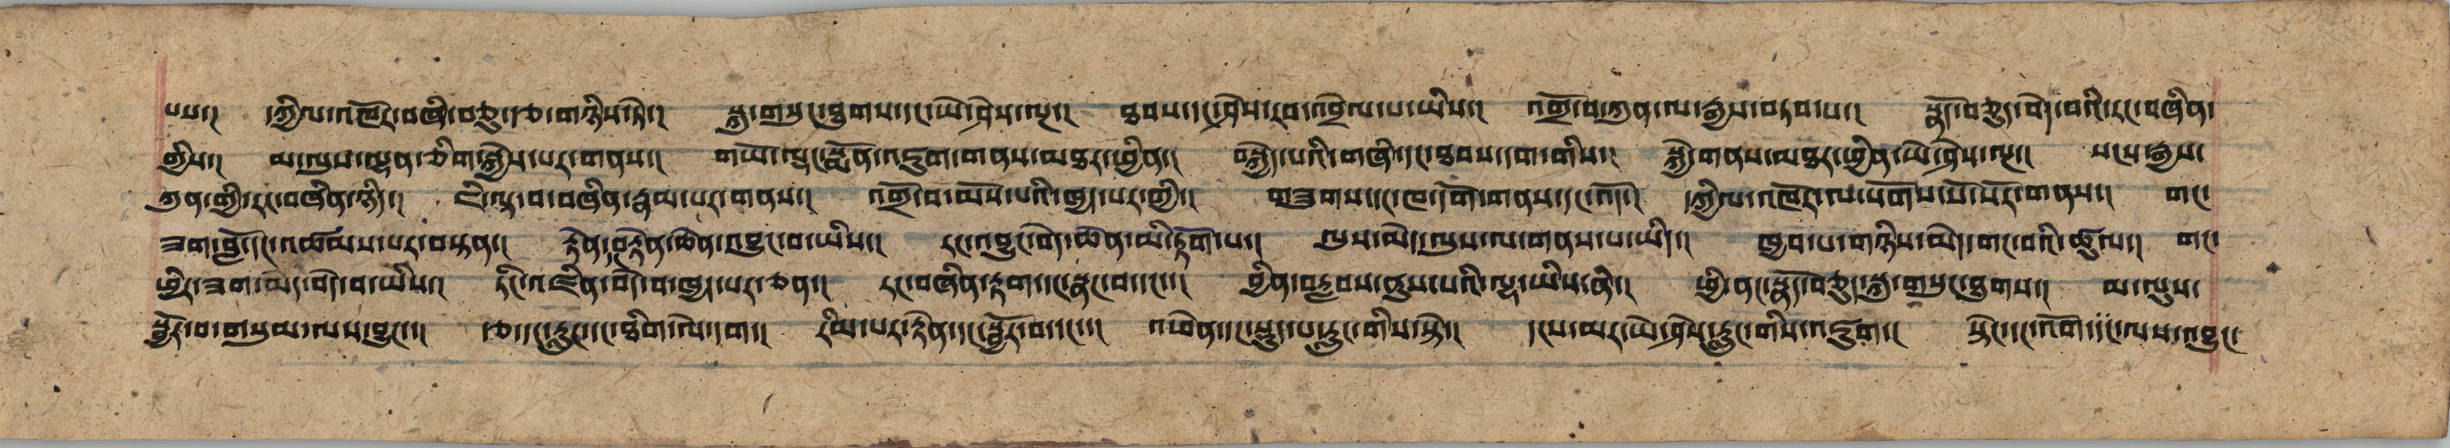པས་། དཀྱིལ་འཁོར་བཞི་བཅུ་རྩ་གཉིས་ཏེ་། སྐུ་གསུང་ཐུགས་དང་ཡེ་ཤེས་ལྔ་། ཐབས་དང་ཤེས་རབ་འབྲེལ་པ་ཡིས་། འགྲོ་བ་ཀུན་ལ་རྒྱས་བཏབ་པ་། སྣོད་བཅུད་བདེ་བའི་རང་བཞིན་
གྱིས་། མ་ལུས་ལྷན་ཅིག་སྐྱེས་པར་གནས་། གཡོ་ལྡང་སྨོན་འཇུག་གནས་མཐར་ཕྱིན་། བསྐྱེད་པའི་གཞི་དང་ཐབས་དག་གིས་། སྐྱེ་གནས་མཐར་ཕྱིན་ཡེ་ཤེས་ལྔ་། སངས་རྒྱས་
ཀུན་གྱི་རང་བཞིན་ཉིད་། ཇི་ལྟ་བ་བཞིན་རྣམ་པར་གནས་། འགྲོ་བ་མོས་པའི་ཁྱད་པར་གྱི་། གཟུགས་དང་ཁ་དོག་གནས་དང་འོད་། དཀྱིལ་འཁོར་ལ་སོགས་སོ་སོར་གནས་། གང་
ཟག་བློ་དང་འཚམས་པར་བསྟན་། རྟེན་དང་བརྟེན་ཆེན་འབྱུང་བ་ཡིས་། རང་འབྱུང་བདེ་ཆེན་མི་རྟོག་པ་། ལུས་མེད་ལུས་ལ་གནས་པ་ཡིད་། ཁྱབ་པ་གཉིས་མེད་གང་བའི་ཚུལ་། གང་
ཕྱིར་ཟག་མེད་བདེ་བ་ཡིས་། ཏིང་འཛིན་བདེ་བ་ཁྱད་པར་ཅན་། རང་བཞིན་རྟག་དང་སྣང་བ་དང་་། བྱིནབརླབས་ནུས་པའི་ལྷ་ཡིས་ནི་། ཕྱི་ནང་སྣོད་བཅུད་སྐུ་གསུང་ཐུགས་། མ་ལུས་
སྦྱོར་བ་གསུམ་ལས་བྱུང་་། རྩ་དང་རླུང་དང་ཐིག་ལེ་དག་། རིམ་པར་རྟེན་དང་སྦྱོར་བ་དང་་། འཕེན་དང་སྡུད་པ་རླུང་གིས་སྟེ་། དངས་མར་ཡེ་ཤེས་རླུང་གིས་འཇུག་། སྟེང་དང་འོག་དང་ལས་འབྱུང་